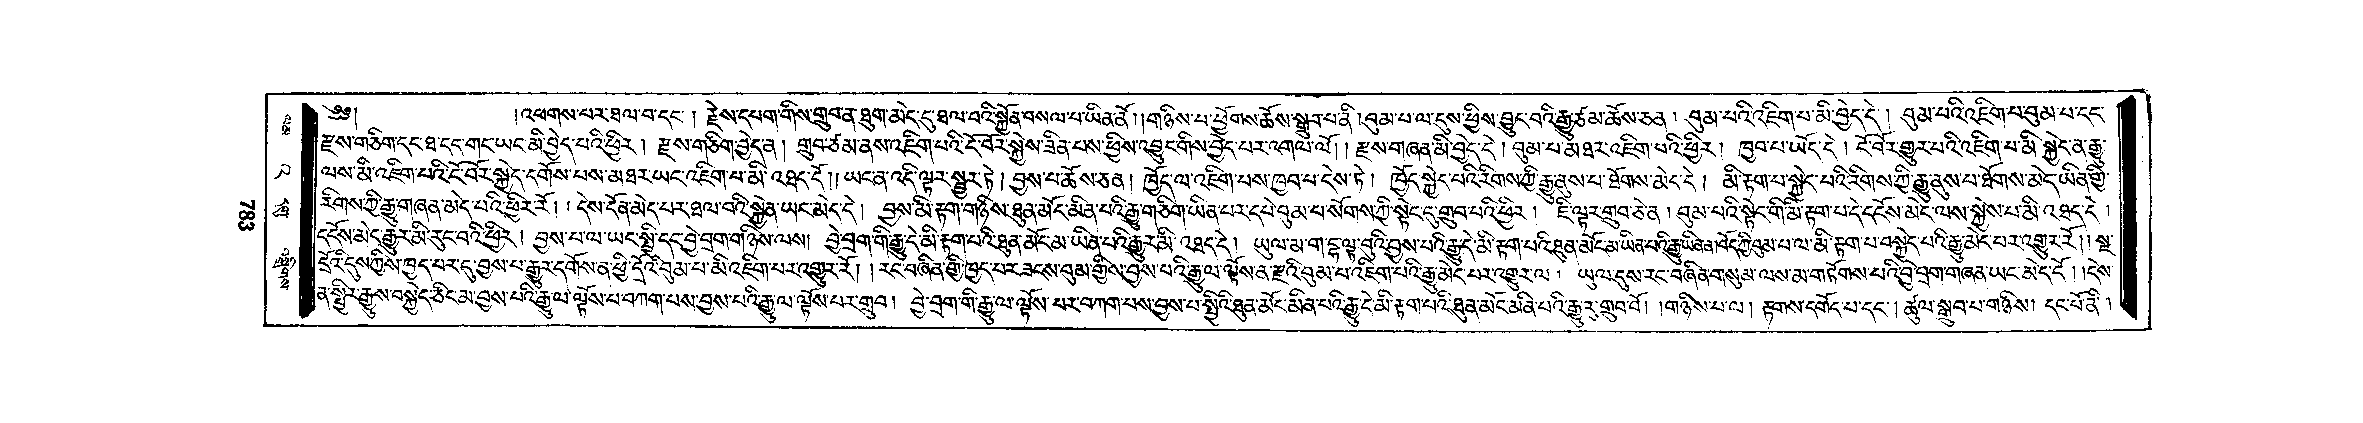༄༅། །འཕགས་པར་ཐལ་བ་དང་། རྗེས་དཔག་གིས་གྲུབ་ན་ཐུག་མེད་དུ་ཐལ་བའི་སྐྱོན་བསལ་པ་ཡིན་ནོ། །གཉིས་པ་ཕྱོགས་ཆོས་སྒྲུབ་པ་ནི། བུམ་པ་ལ་དུས་ཕྱིས་བྱུང་བའི་རྒྱུ་ཙམ་ཆོས་ཅན། བུམ་པའི་འཇིག་པ་མི་བྱེད་དེ། བུམ་པའི་འཇིག་པ་བུམ་པ་དང་
རྫས་གཅིག་དང་ཐ་དད་གང་ཡང་མི་བྱེད་པའི་ཕྱིར། རྫས་གཅིག་བྱེད་ན། གྲུབ་ཙམ་ནས་འཇིག་པའི་ངོ་བོར་སྐྱེས་ཟིན་པས་ཕྱིས་འབྱུང་གིས་བྱེད་པར་འགལ་ལོ། །རྫས་གཞན་མི་བྱེད་དེ། བུམ་པ་མཐར་འཇིག་པའི་ཕྱིར། ཁྱབ་པ་ཡོད་དེ། ངོ་བོར་གྱུར་པའི་འཇིག་པ་མི་སྐྱེད་ན་རྒྱུ་
ལས་མི་འཇིག་པའི་ངོ་བོར་སྐྱེད་དགོས་པས་མཐར་ཡང་འཇིག་པ་མི་འཐད་དོ། །ཡང་ན་འདི་ལྟར་སྦྱར་ཏེ། བྱས་པ་ཆོས་ཅན། ཁྱོད་ལ་འཇིག་པས་ཁྱབ་པ་དེས་ཏེ། ཁྱོད་སྐྱེད་པའི་རིགས་ཀྱི་རྒྱུ་ནུས་པ་ཐོགས་མེད་དེ། མི་རྟག་པ་སྐྱེད་པའི་རིགས་ཀྱི་རྒྱུ་ནུས་པ་ཐོགས་མེད་ཡིན་གྱི་
རིགས་ཀྱི་རྒྱུ་གཞན་མེད་པའི་ཕྱིར་རོ། །དེས་དོན་མེད་པར་ཐལ་བའི་སྐྱེན་ཡང་མེད་དེ། བྱས་མི་རྟག་གཉིས་ཐུན་མོང་མིན་པའི་རྒྱུ་གཅིག་ཡིན་པར་དཔེ་བུམ་པ་སོགས་ཀྱི་སྟེང་དུ་གྲུབ་པའི་ཕྱིར། ཇི་ལྟར་གྲུབ་ཅེ་ན། བུམ་པའི་སྟེང་གི་མི་རྟག་པ་དེ་དངོས་མེད་ལས་སྐྱེས་པ་མི་འཐད་དེ།
དངོས་མེད་རྒྱུར་མི་རུང་བའི་ཕྱིར། བྱས་པ་ལ་ཡང་སྤྱི་དང་བྱེ་བྲག་གཉིས་ལས། བྱེ་བྲག་གི་རྒྱུ་དེ་མི་རྟག་པའི་ཐུན་མོང་མ་ཡིན་པའི་རྒྱུར་མི་འཐད་དེ། ཡུལ་མ་ག་དྷ་ལྟ་བུའི་བྱས་པའི་རྒྱུ་དེ་མི་རྟག་པའི་ཐུན་མོང་མ་ཡིན་པའི་རྒྱུ་ཡིན་ན། བོད་ཀྱི་བུམ་པ་ལ་མི་རྟག་པ་བསྐྱེད་པའི་རྒྱུ་མེད་པར་འགྱུར་རོ། །སྔ་
དྲོའི་དུས་ཀྱིས་ཁྱད་པར་དུ་བྱས་པ་རྒྱུར་དགོས་ན་ཕྱི་དྲོའི་བུམ་པ་མི་འཇིག་པར་འགྱུར་རོ། །རང་བཞིན་གྱི་ཁྱད་པར་ཟངས་བུམ་གྱིས་བྱས་པའི་རྒྱུ་ལ་ལྟོས་ན་རྫའི་བུམ་པ་འཇིག་པའི་རྒྱུ་མེད་པར་འགྱུར་ལ། ཡུལ་དུས་རང་བཞིན་གསུམ་ལས་མ་གཏོགས་པའི་བྱེ་བྲག་གཞན་ཡང་མེད་དོ། །དེས་
ན་སྤྱིར་རྒྱུས་བསྐྱེད་ཅིང་མ་བྱས་པའི་རྒྱུ་ལ་ལྟོས་པ་བཀག་པས་བྱས་པའི་རྒྱུ་ལ་ལྟོས་པར་གྲུབ། བྱེ་བྲག་གི་རྒྱུ་ལ་ལྟོས་པར་བཀག་པས་བྱས་པ་སྤྱིའི་ཐུན་མོང་མིན་པའི་རྒྱུ་དེ་མི་རྟག་པའི་ཐུན་མོང་མིན་པའི་རྒྱུ་རུ་གྲུབ་བོ། །གཉིས་པ་ལ། རྟགས་དགོད་པ་དང་། ཚུལ་སྒྲུབ་པ་གཉིས། དང་པོ་ནི།